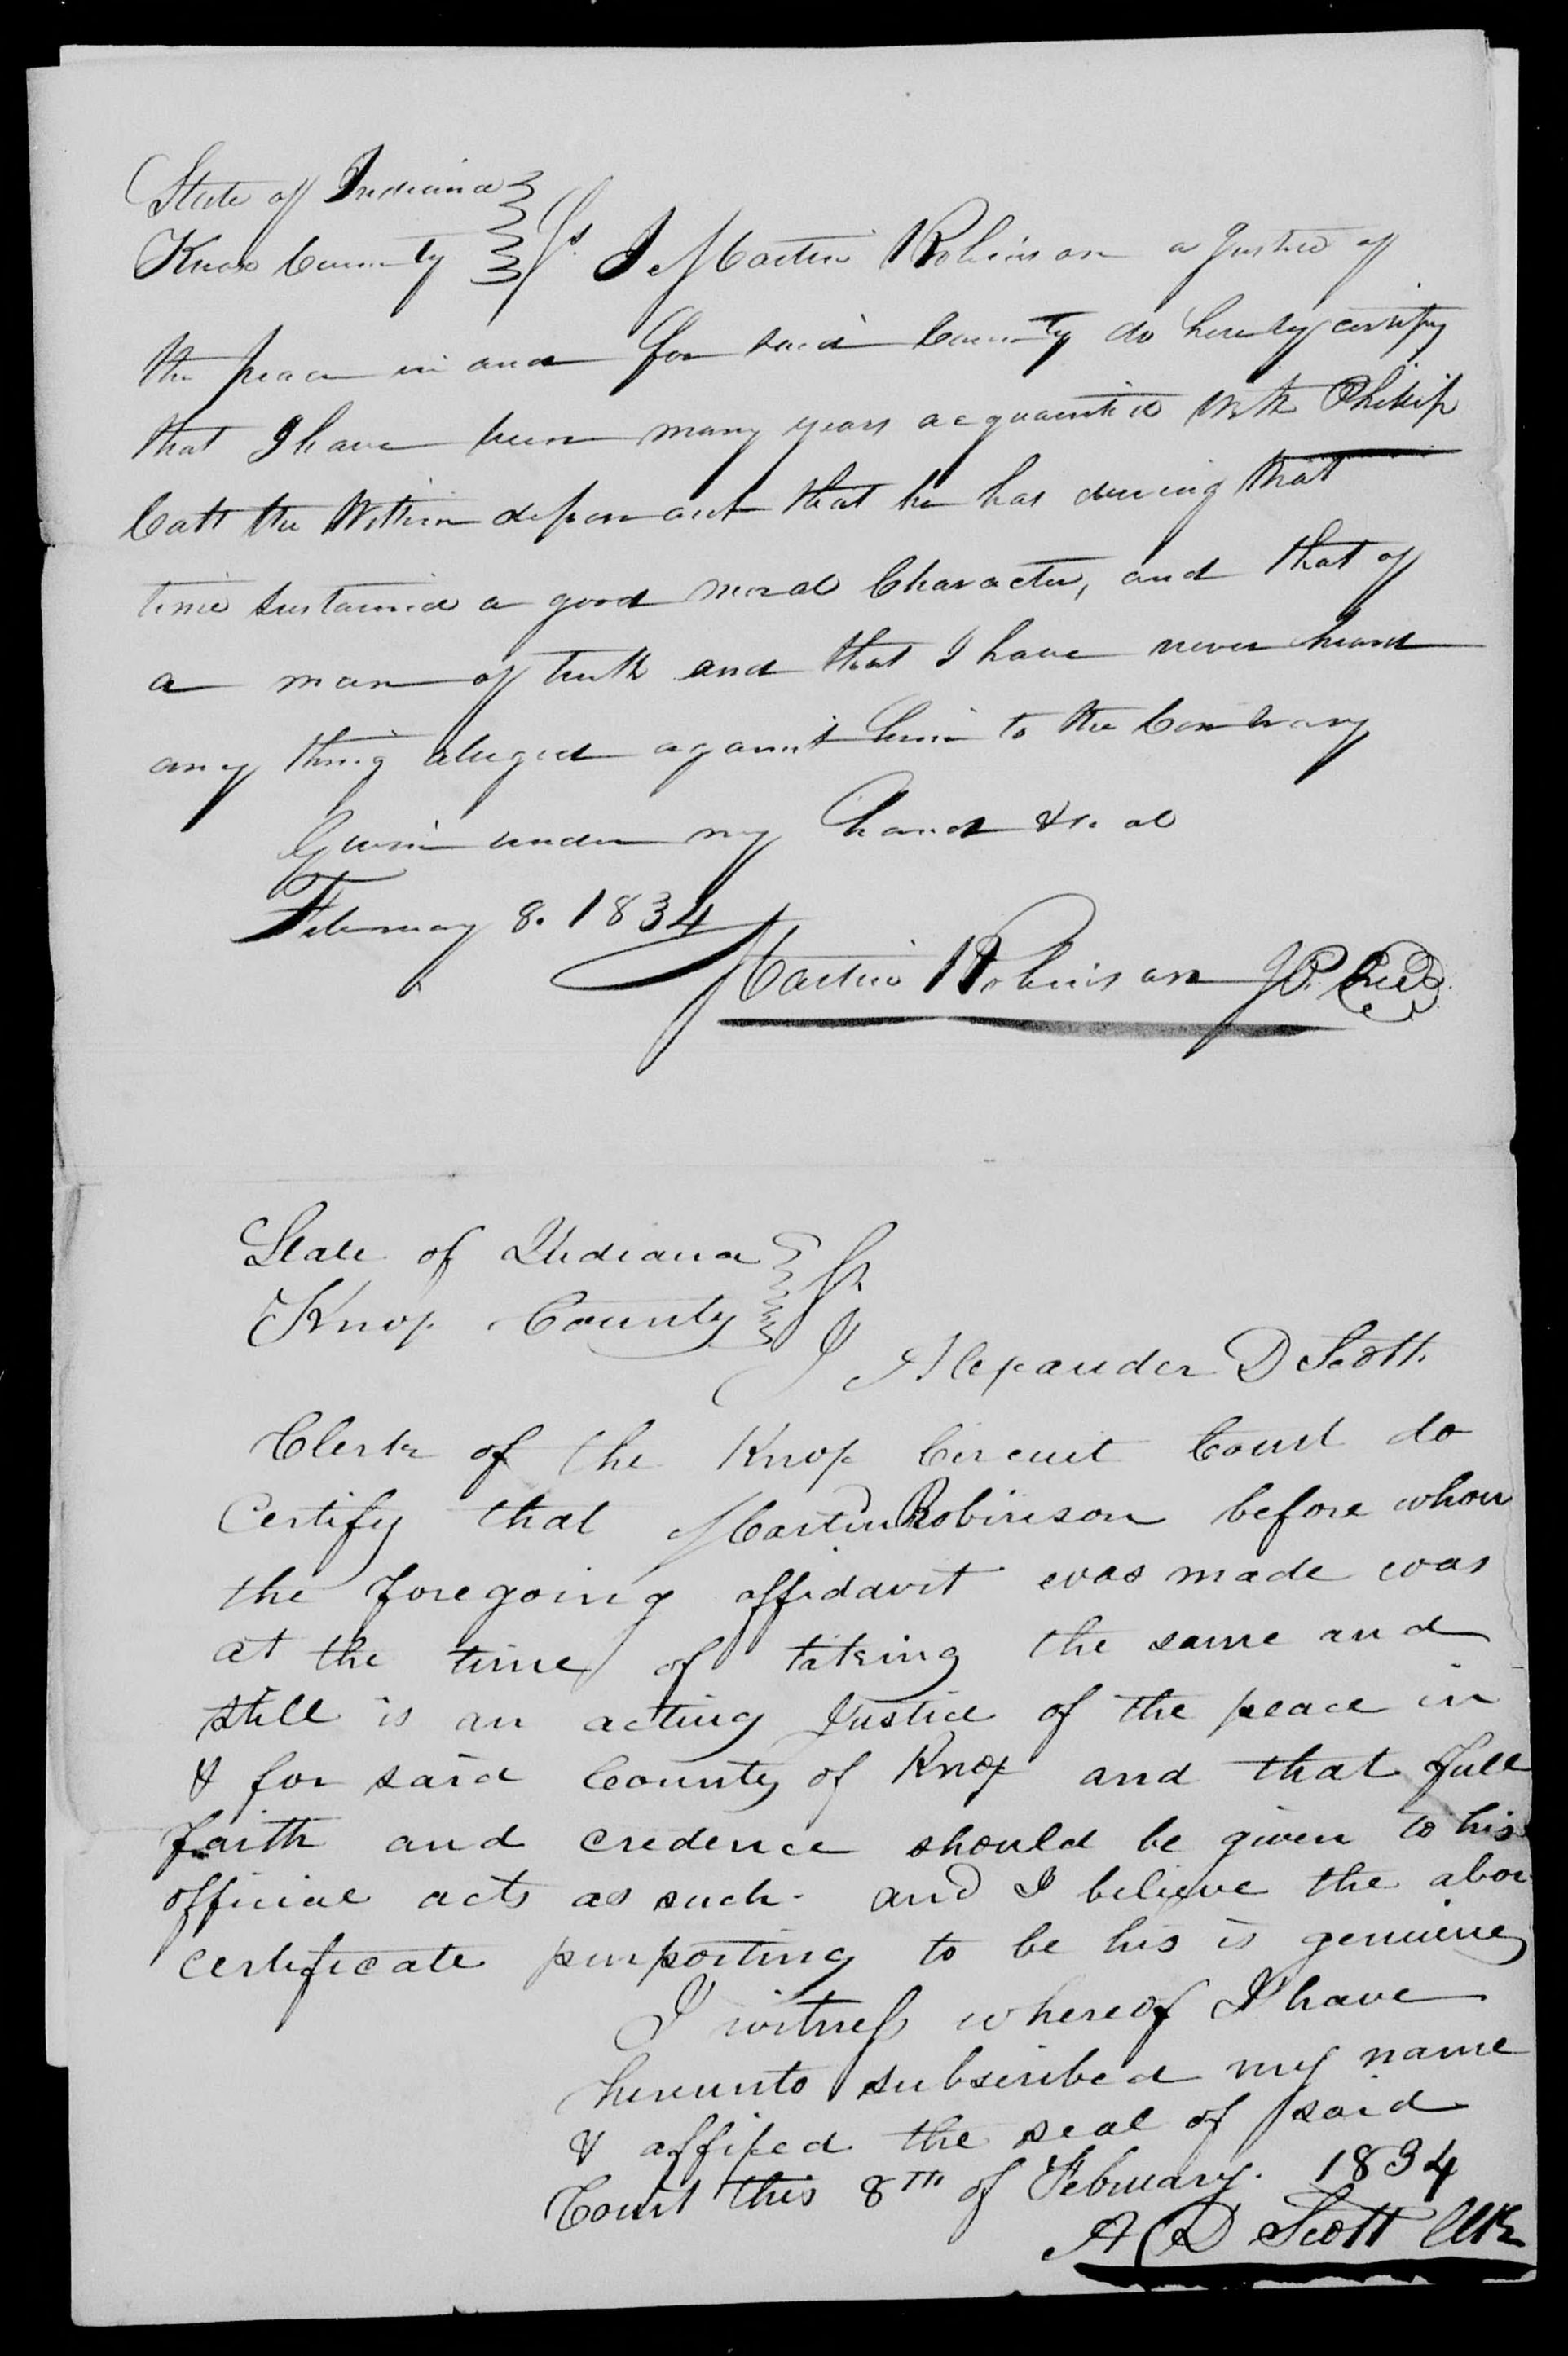State of Indiana
Knox County

I Martin Robinson a Justice of the peace in and for said County do hereby certify that I have been many years acquainted with Philip Catt the written deponant that he has during that time sustained a good moral Character, and that of a man of truth and that I have never heard any thing aluged against him to the Contrary
Given under my hand et al
February 8. 1834

Martin Robinson J P. 

State of Indiana
Knox County

I Alexander D Scott Clerk of the Knox Circuit Court do Certify that of Martin Robinson before whom the foregoing affidavit was made was at the time of taking the same and still is an acting Justice of the peace in and for said County of Knox and that full faith and credence should be given to his official acts as such.  and I believe the above certificate purporting to be his is genuine

I witness whereof I have 
hereunto subscribed my name & affixed the seal of said Court this 8th of February. 1834
A D Scott Clk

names: A D Scott, Martin Robinson, Phillip Catt, Martin Robinson, Alexander D Scott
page: 17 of 18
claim: survivor's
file: S. 31744, Abraham Hiley, Penn.